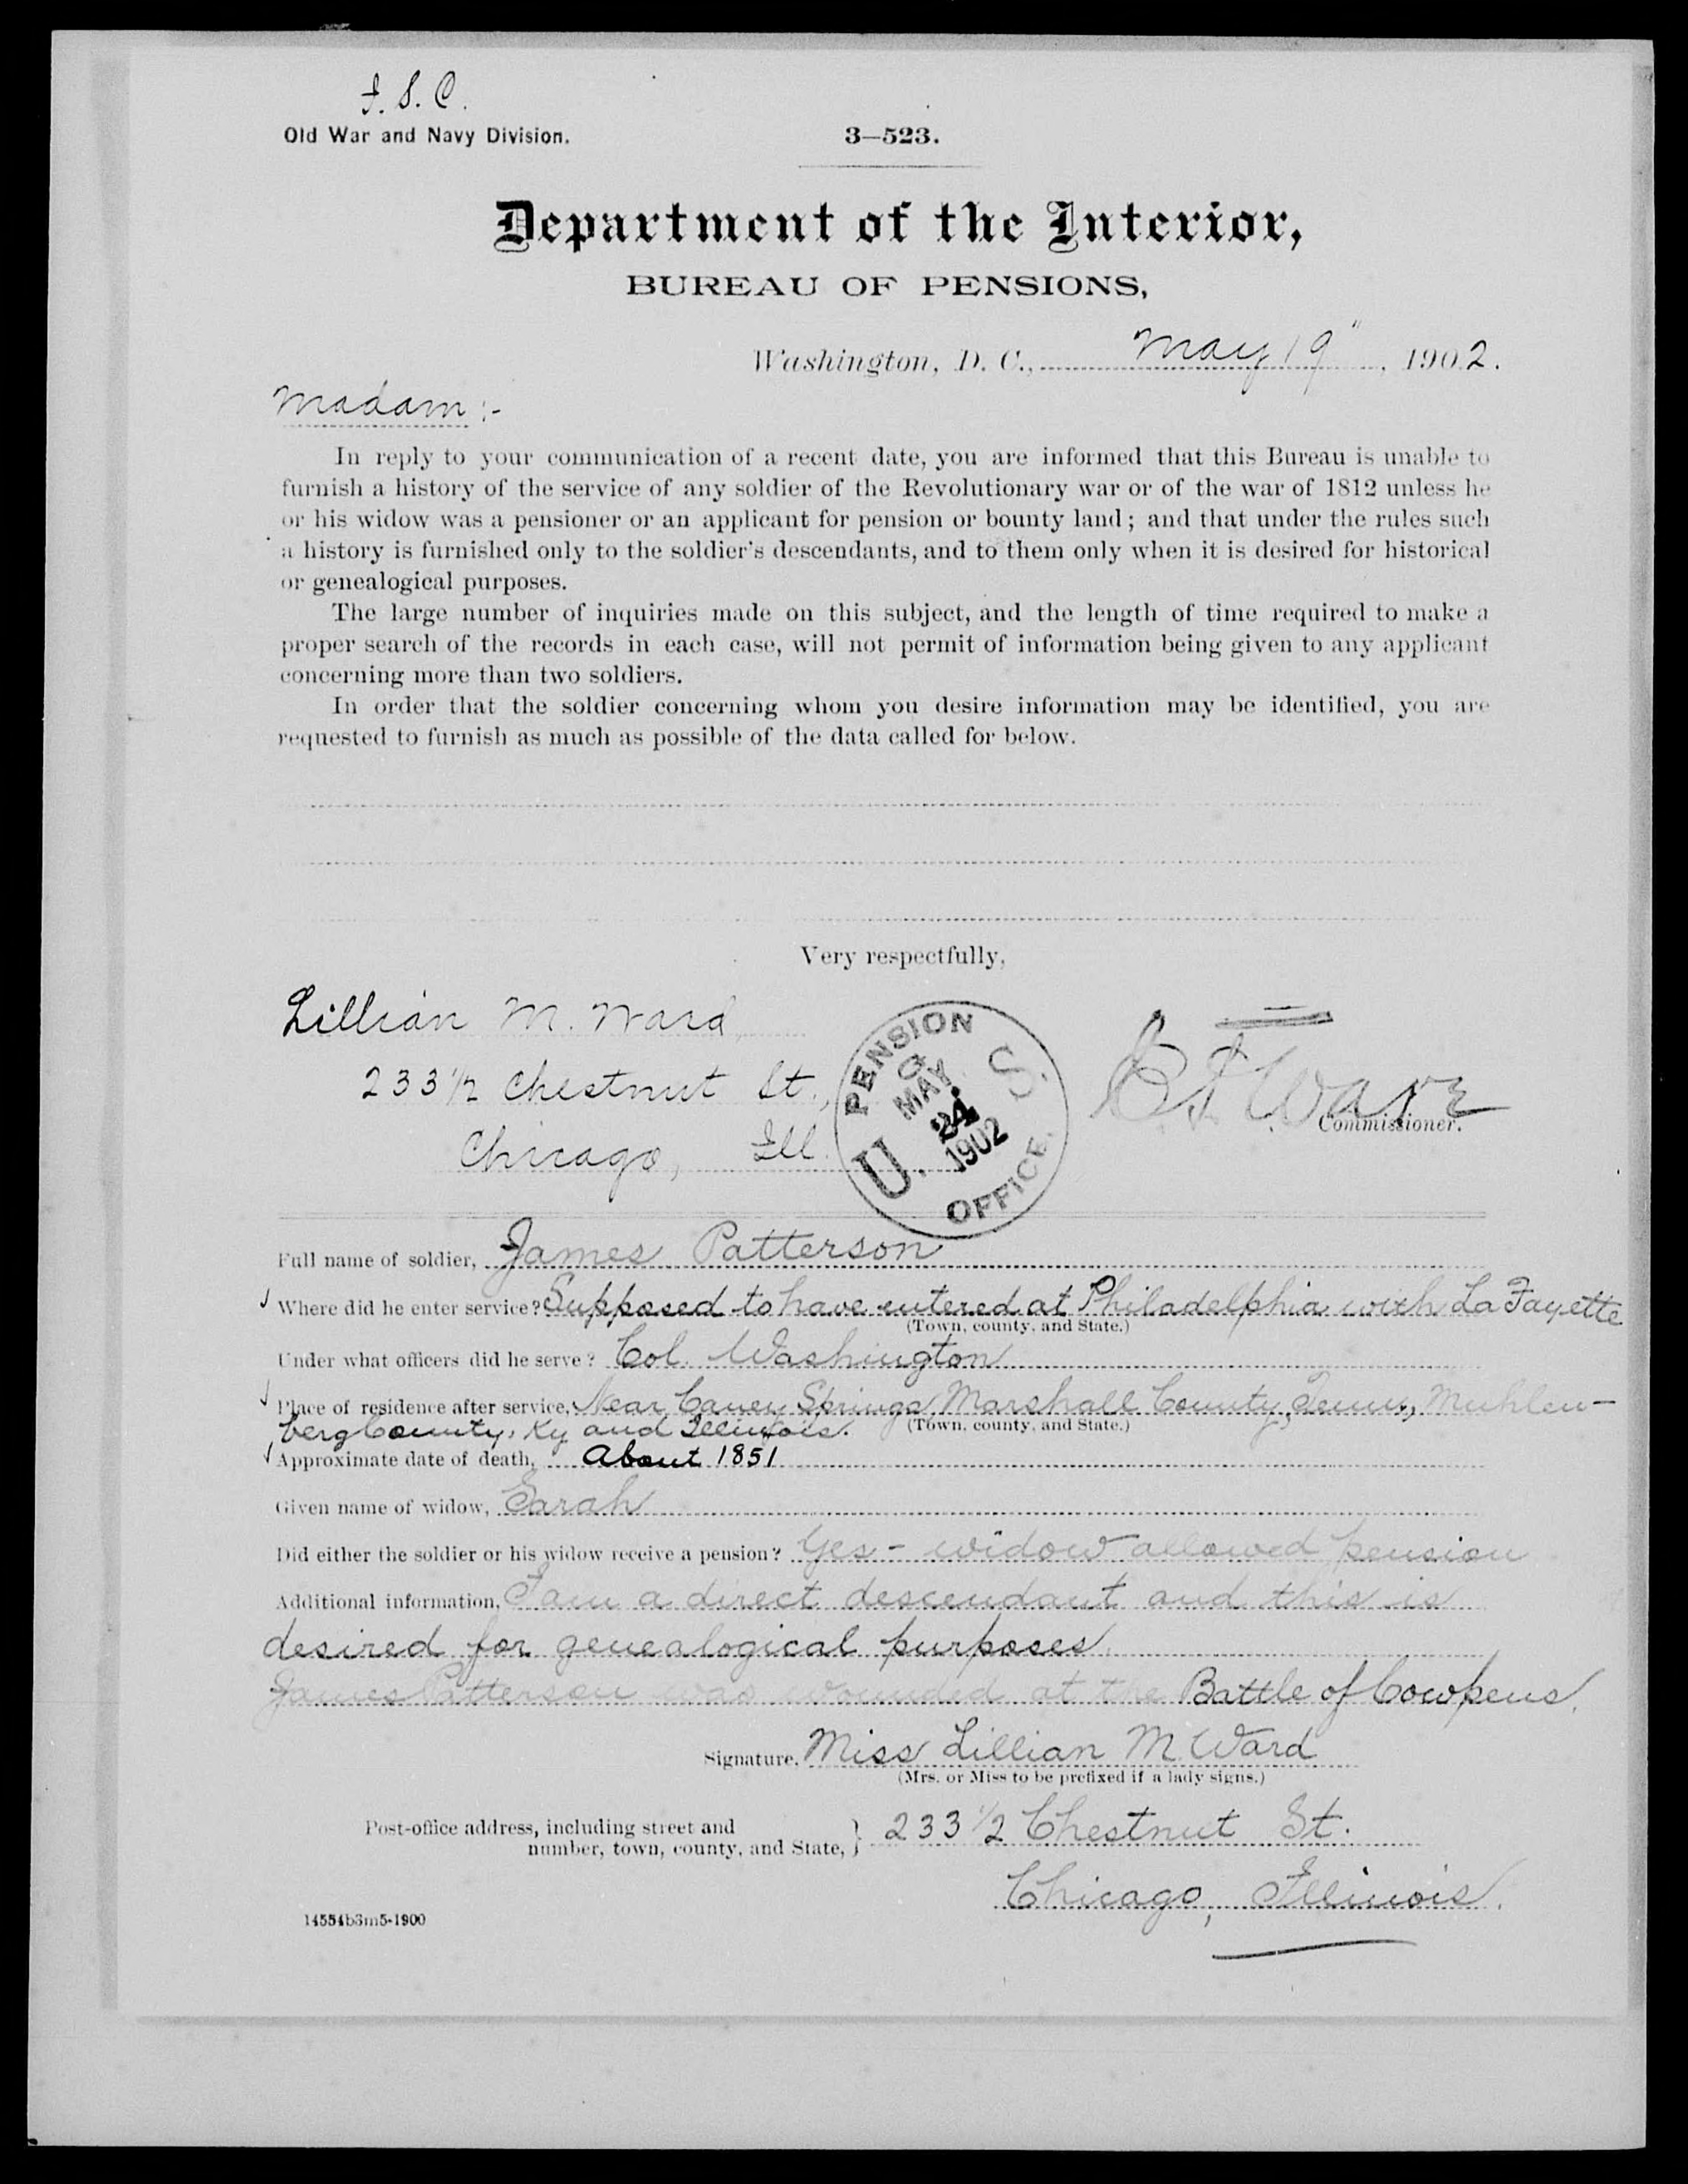J. S. C.
Old War and Navy Division. 3 - 523.
Department of the Interior,
BUREAU OF PENSIONS,
Washington, D. C. May 19, 1902.
Madam:
In reply to your communication of a recent date, you are informed that this Bureau is unable to furnish a history of the service of any soldier of the Revolutionary war or of the war of 1812 unless he or his widow was a pensioner or an applicant for pension or bounty land; and that under the rules such a history is furnished only to the soldier's descendants, and to them only when it is desired for historical or genealogical purposes. 
The large number of inquiries made on this subject, and the length of time required to make a proper search of the records in each case, will not permit of information being given to any applicant concerning more than two soldiers. 
In order that the soldier concerning whom you desire information may be identified, you are requested to furnish as much as possible of the data called for below. 
Very respectfully,
Lillian M. Ward
233 ½ Chestnut St.
Chicago, Ill
				E.S.Ware
				Commissioner,
[Seal] U.S. Pension Office, May 24, 1902

Full name of soldier, James Patterson 
Where did he enter service? Supposed to have entered at Philadelphia with La Fayette 
Under what officers did he serve? Col. Washington 
Place of residence after service, Near [illegible Caney] Spring, Marshall County, Tenn., Muhlenberg County, Ky and Illinois. (Town, county, and State) 
Approximate date of death, about 1851 
Given name of widow, Sarah
Did either the soldier or his widow receive a pension? Yes - widow allowed pension 
Additional information, I am a direct descendant and this is desired for genealogical purposes.
James Patterson was wounded at the Battle of Cowpens. 
Signature Miss Lillian M. Ward 
(Mrs. or Miss to be prefixed if a lady signs.) 
Post-office address, including street and number, town, county, and State,) 
233 ½ Chestnut St. 
Chicago, Illinois

145544b3m5-1900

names: [BLANK] Washington; Sarah [BLANK]; James Patterson; E S Ware; Lillian M Ward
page: 63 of 69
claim: widow's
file: W. 10861, for James Patterson, North Carolina